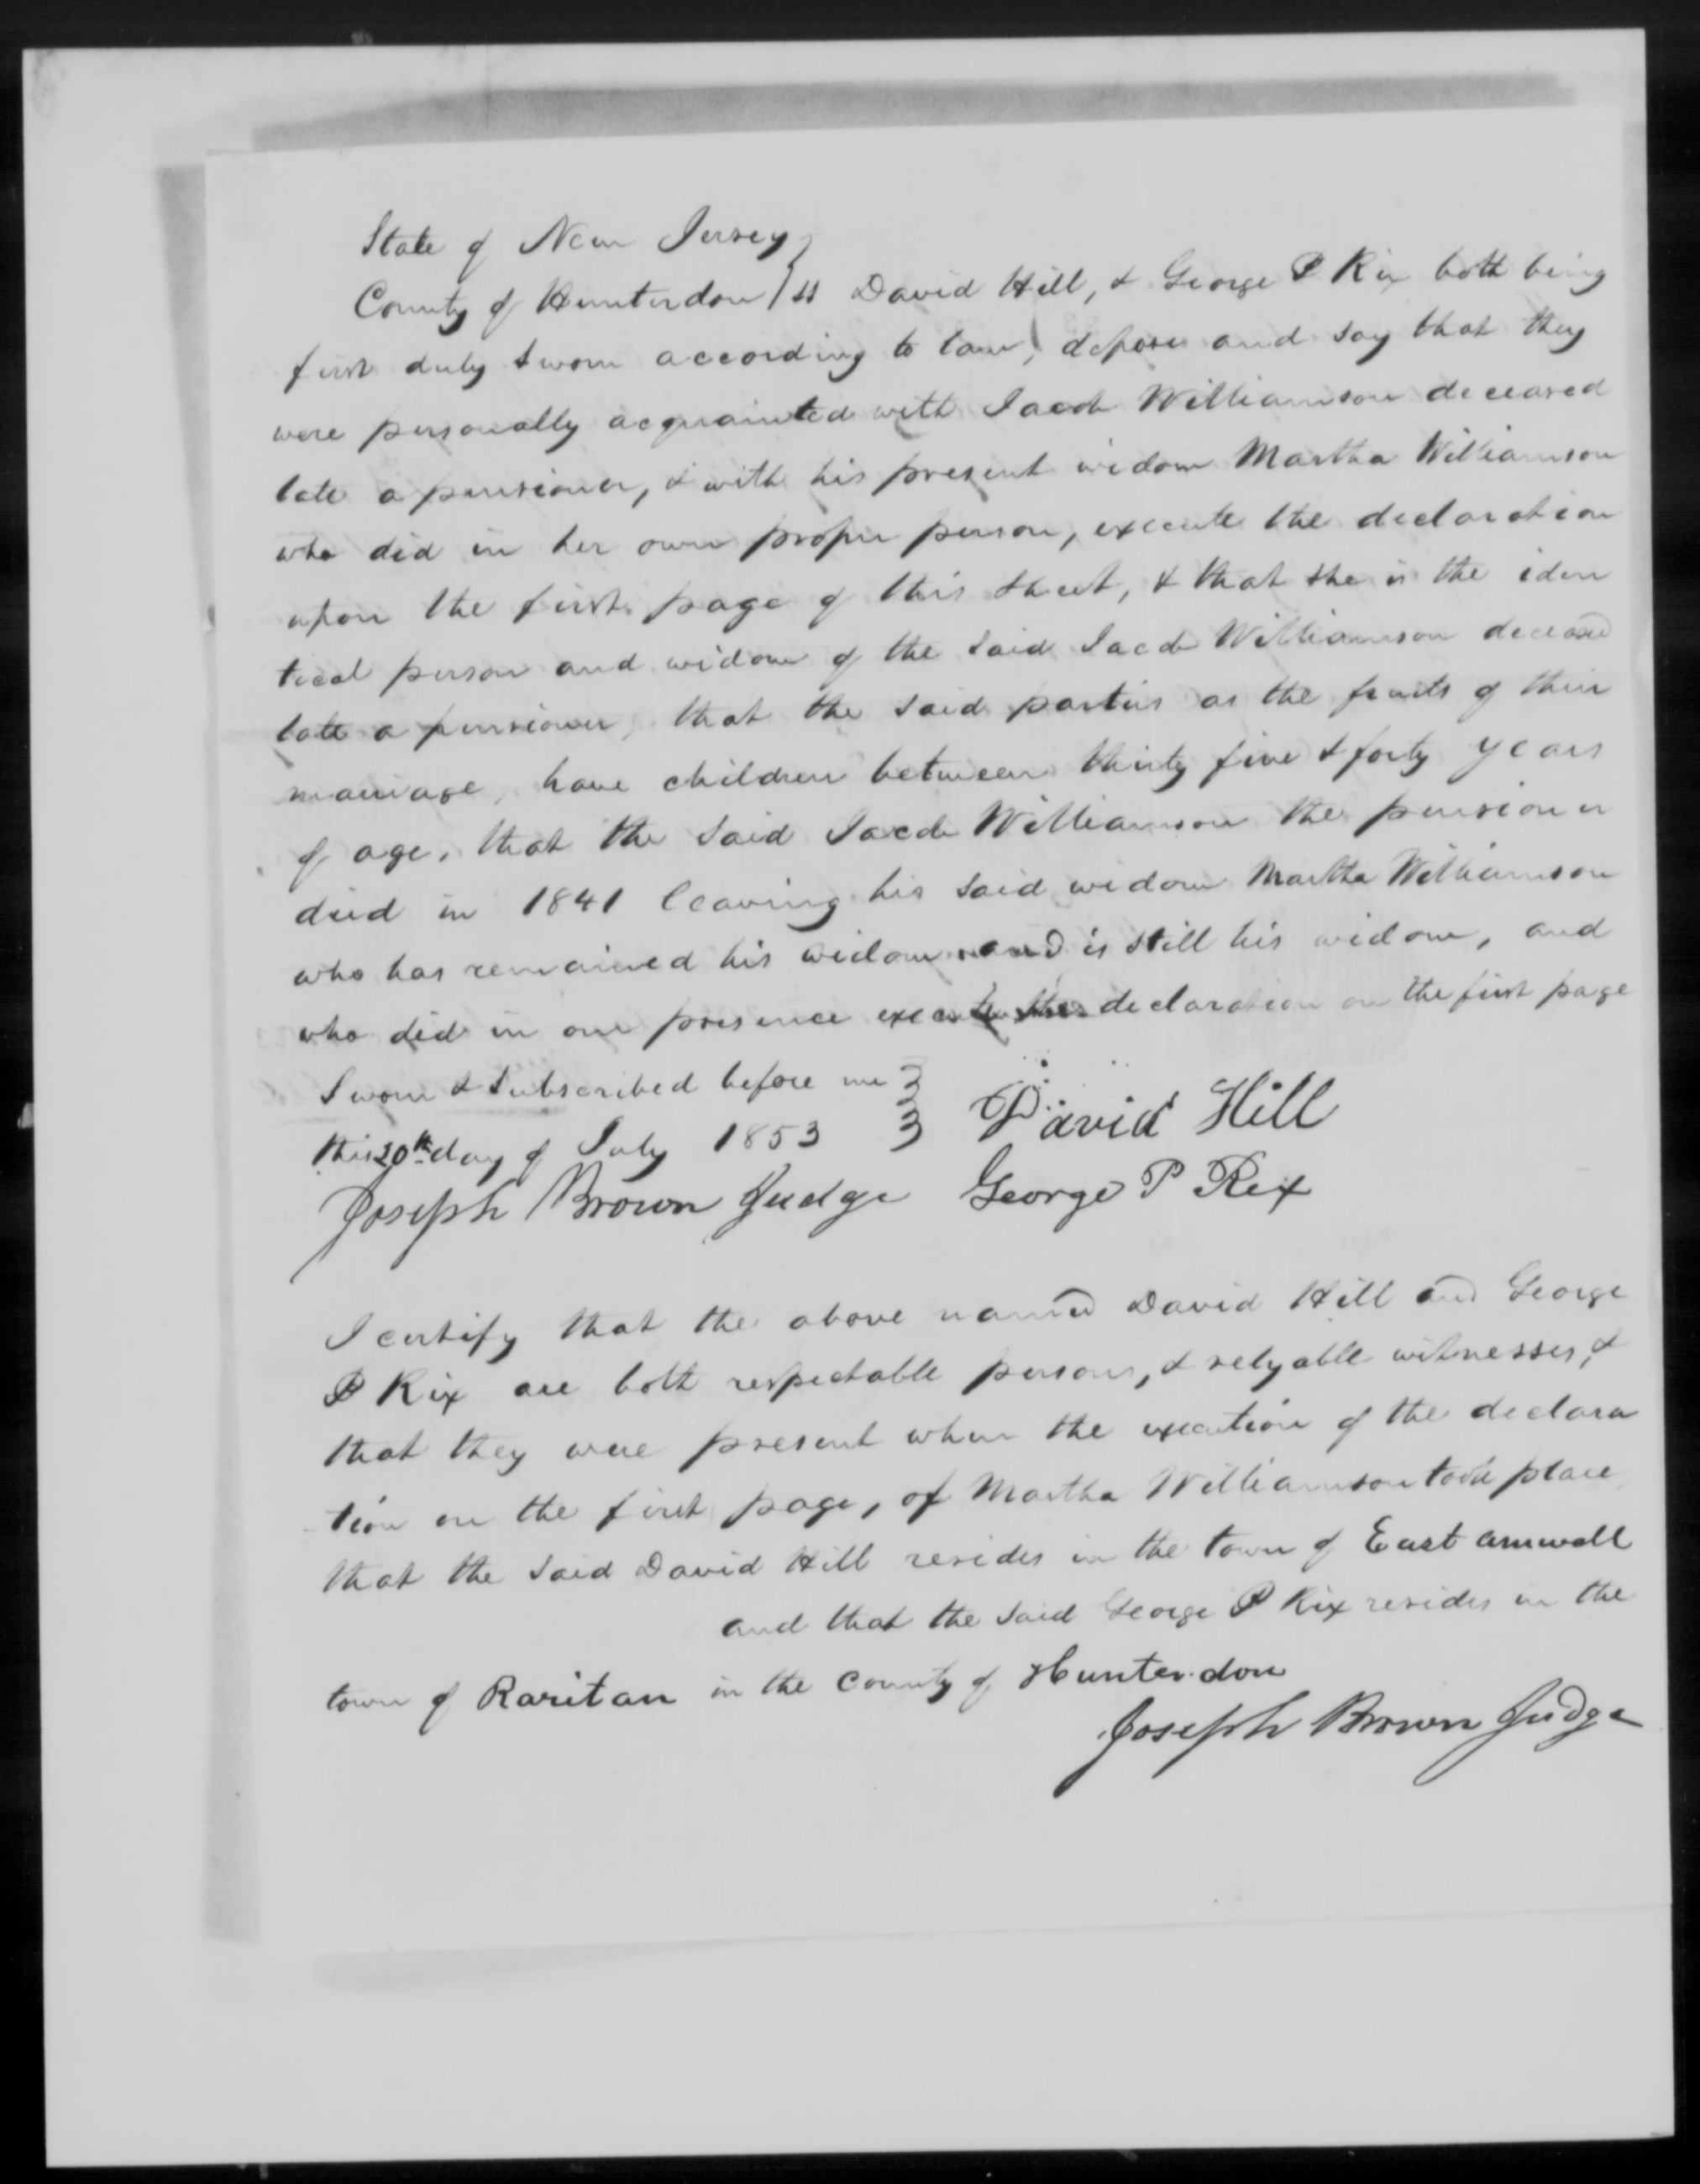State of New Jersey
County of Hunterdon//

David Hill & George P. Rix, both being first duly sworn according to law depose and say that they were personally acquainted with Jacob Williamson, deceased, late a pensioner & with his present widow Martha Williamson, who did in her own proper person execute the declaration upon the first page of this sheet & that she is the identical person and widow of the said Jacob Williamson, deceased, late a pensioner. That the said parties as the facts of their marriage have children between Thirty five & Forty years of age. That the said Jacob Williamson, the pensioner, died in 1841 leaving his said widow Martha Williamson, who has remained his widow and is still his widow and who died in our presence, execute this declaration on the first page.
s/ David Hill
s/ George P. Rix

Sworn & subscribed before me this 20th day of July 1853.
s/ Joseph Brown, Judge

I certify that the above named David Hill and George P. Rix are both respectable persons & reliable witnesses & that they were present when the execution of the declaration on the first page of Martha Williamson took place. That the said David Hill resides in the town of East Amwell and that the said George P. Rix resides in the town of Raritan in the County of Hunterdon.
s/ Joseph Brown, Judge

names: Joseph Brown, Martha Williamson, David Hill, Jacob Williamson, George P Rix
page: 4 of 67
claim: widow's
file: W. 2393, Jacob Williamson, New Jersey